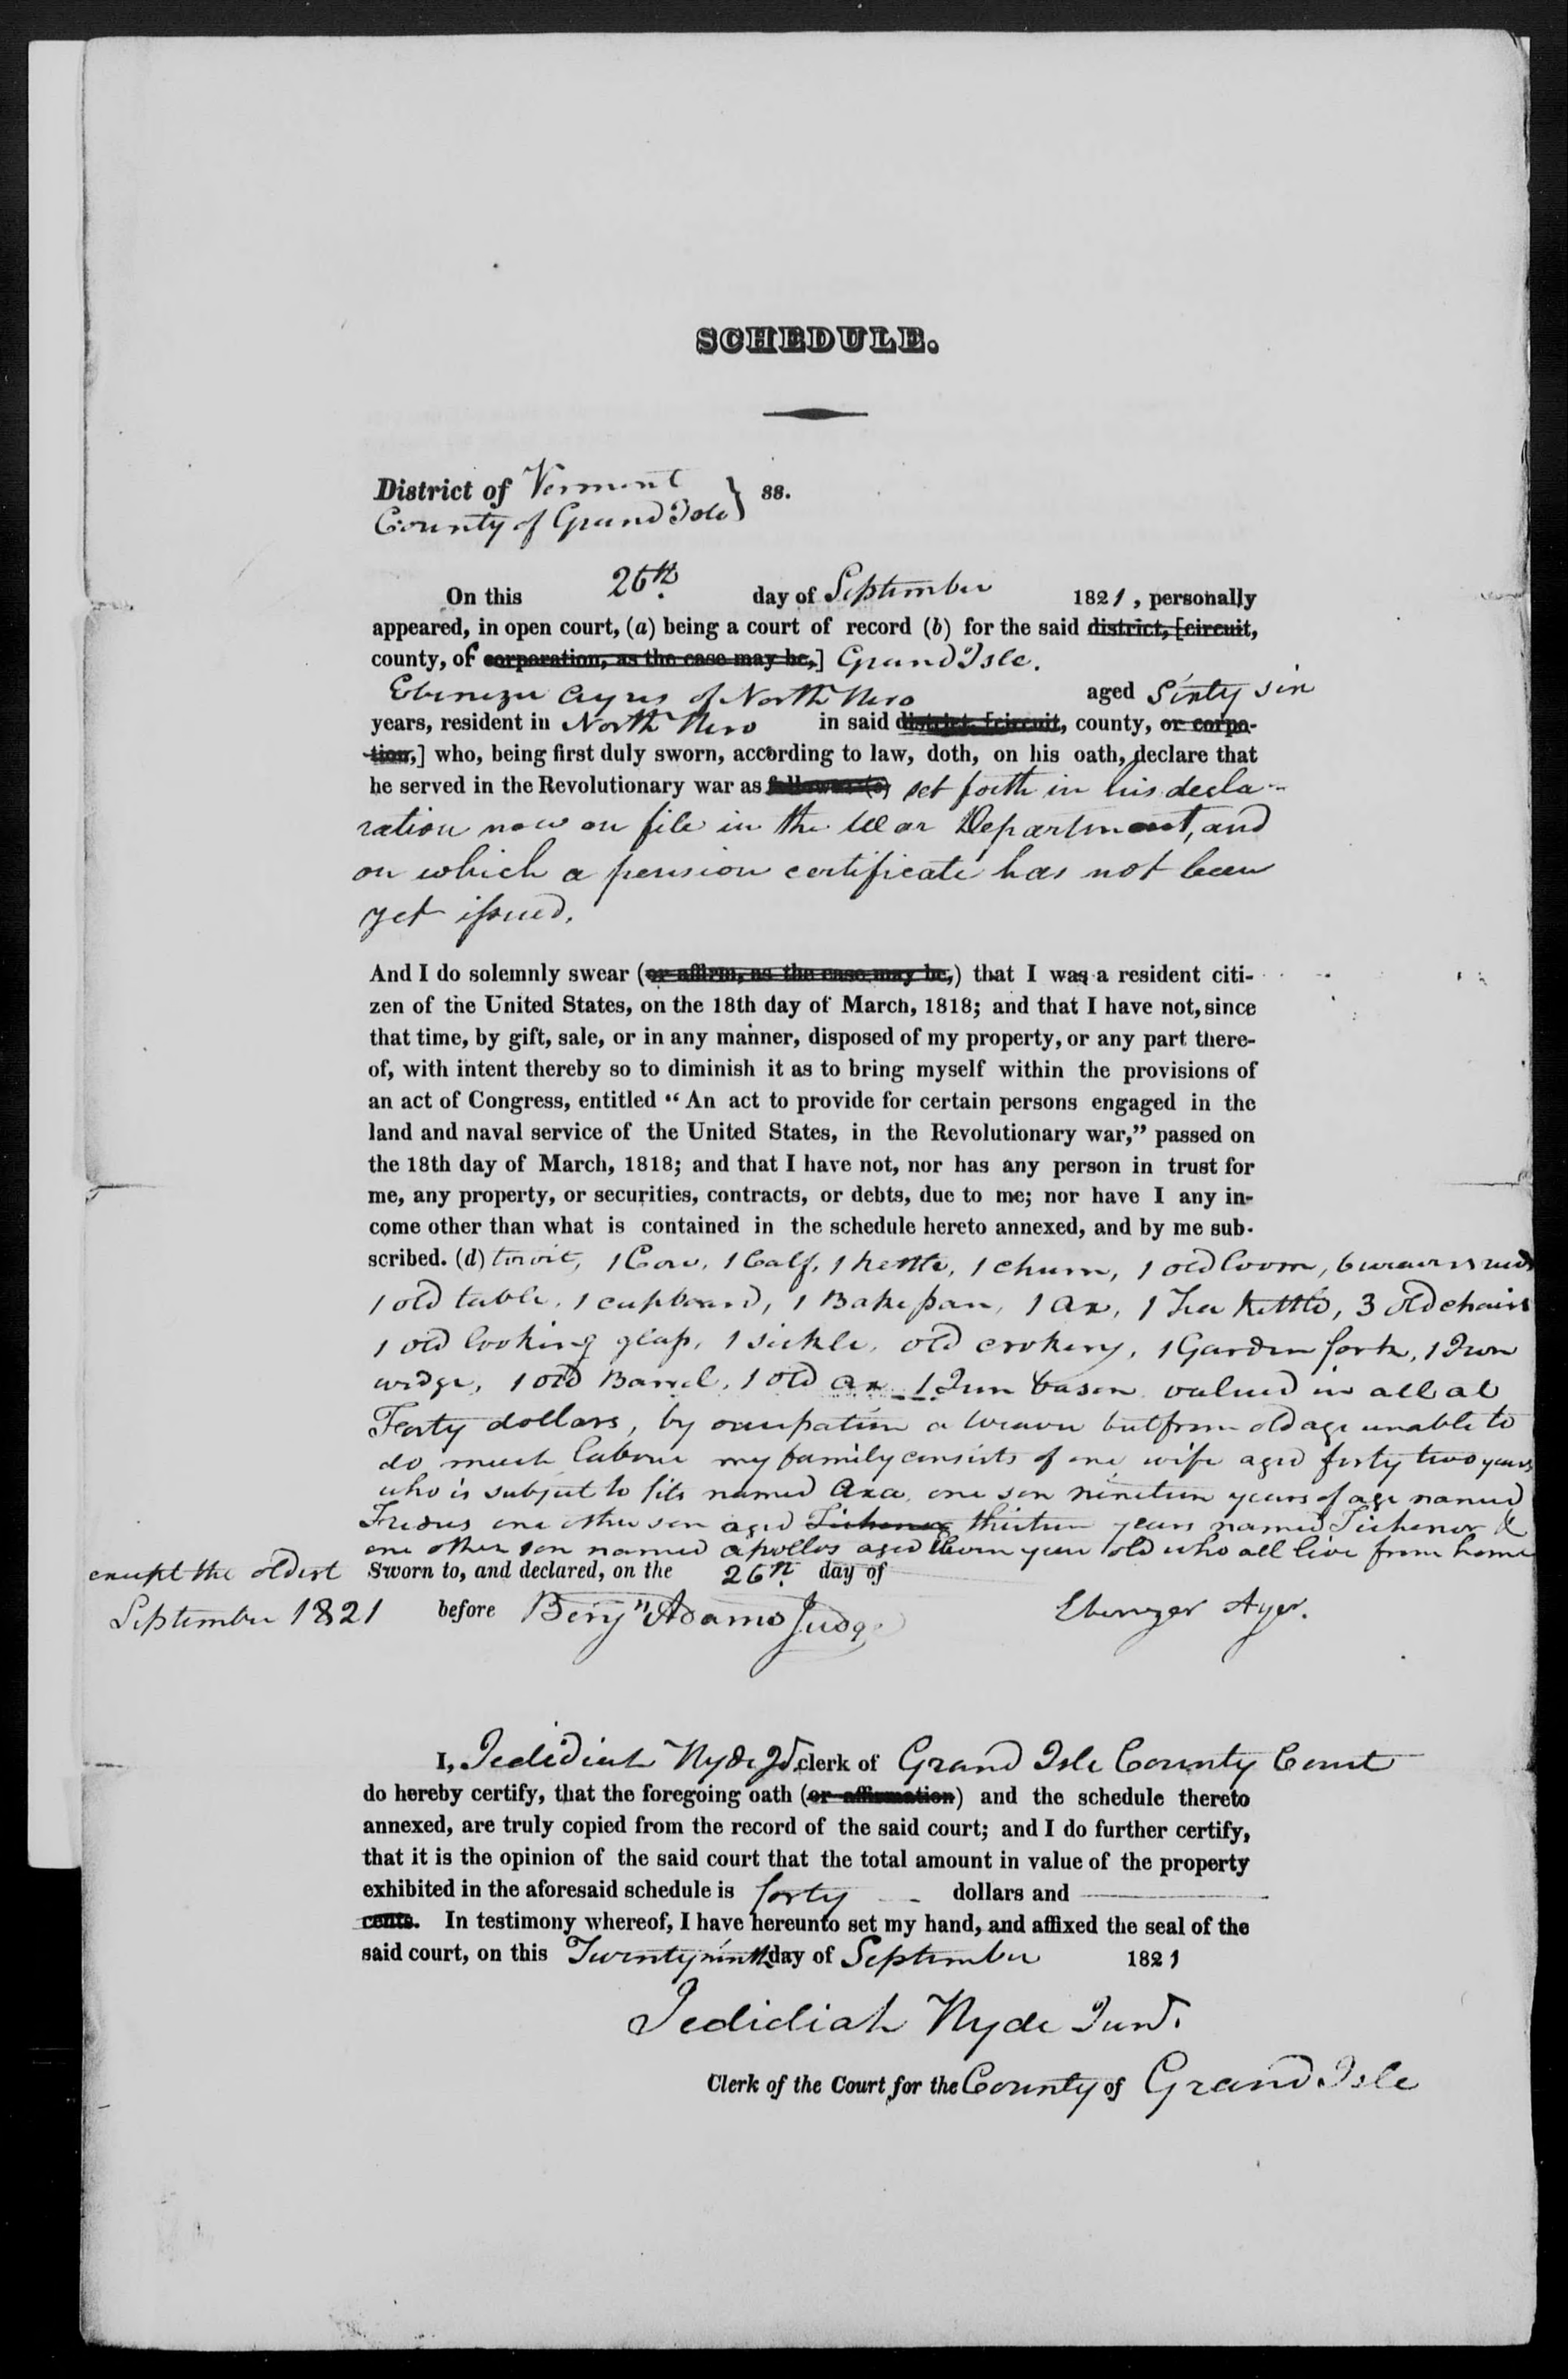SCHEDULE.
District of Vermont} 
County of Grand Isle} ss.
On this 26th day of September 1821, personally appeared, in open court, (a) being a court of record (b) for the said county of Grand Isle Ebenezer Ayres of North Hero aged sixty six  years, resident in North Hero resident in said county who, being first duly sworn, according to law, doth, on his oath, declare that he served in the Revolutionary War as set forth in his declaration now on file in the War Department, and on which a pension certificate has not been yet issued
And I do solemnly swear that I was a resident citizen
of the United States, on the 18th day of March, 1818; and that I have not, since that time, by gift, sale, or in any manner, disposed of my property, or any part thereof, with intent thereby so to diminish it as to bring myself within the provisions of an act of Congress, entitled "An act to provide for certain persons engaged in the land and naval service of the United States, in the Revolutionary war,” passed on the 18th day of March, 1818; and that I have not, nor has any person in trust for
me, any property, or securities, contracts, or debts, due to me; nor have I any income other than what is contained in the schedule hereto annexed, and by me subscribed. 
(d) to wit, 1 Cow, 1 Calf, 1 kettle, 1 churn, 1 old loom, [Inelligible],  1 old table, 1 cupboard, 1 Bakepan, 1 Ax, 1 Tea Kettle, 3 old chairs 1 old looking glass, 1 sickle, old cookery,  1 garden fork, 1 iron wedge, 1 old barrel, 1 old ax, 1 [inelligilbe] basin,  valued in all at Forty dollars, by occupation a weaver but from old age unable to do much labour my family consists of one wife aged forty two years who is subject to fits named Ana, one son nineteen years of age named Fredus one other son aged thirteen years named Tichener & one other son named Apollos aged ten year old who all live from home except the oldest.
Sworn to, and declared, on the 26th day of
September 1821 before Benj Adams Judge
Ebenzer Ayer
I, Jedidiah Hyde Jr. clerk of Grand Isle County Court do hereby certify, that the foregoing oath and the schedule thereto annexed, are truly copied from the record of the said court; and I do further certify, that it is the opinion of the said court that the total amount in value of the property exhibited in the aforesaid schedule is forty dollars and  [cents crossed out].  In testimony whereof, I have herunto set my hand, and affixed the seal of the said court, on this Twenty ninth day of September 1825
Jedidiah Hyde Junr.
Clerk of the Court for the County of Grand Isle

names: Jedidiah Hyde, Ebenezer Ayres, Benjn Adams, Jedidiah Hyde, Ebenzer Ayer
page: 7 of 50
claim: widow's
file: W. 8559, Ebenezer Ayer, Continental (Conn)